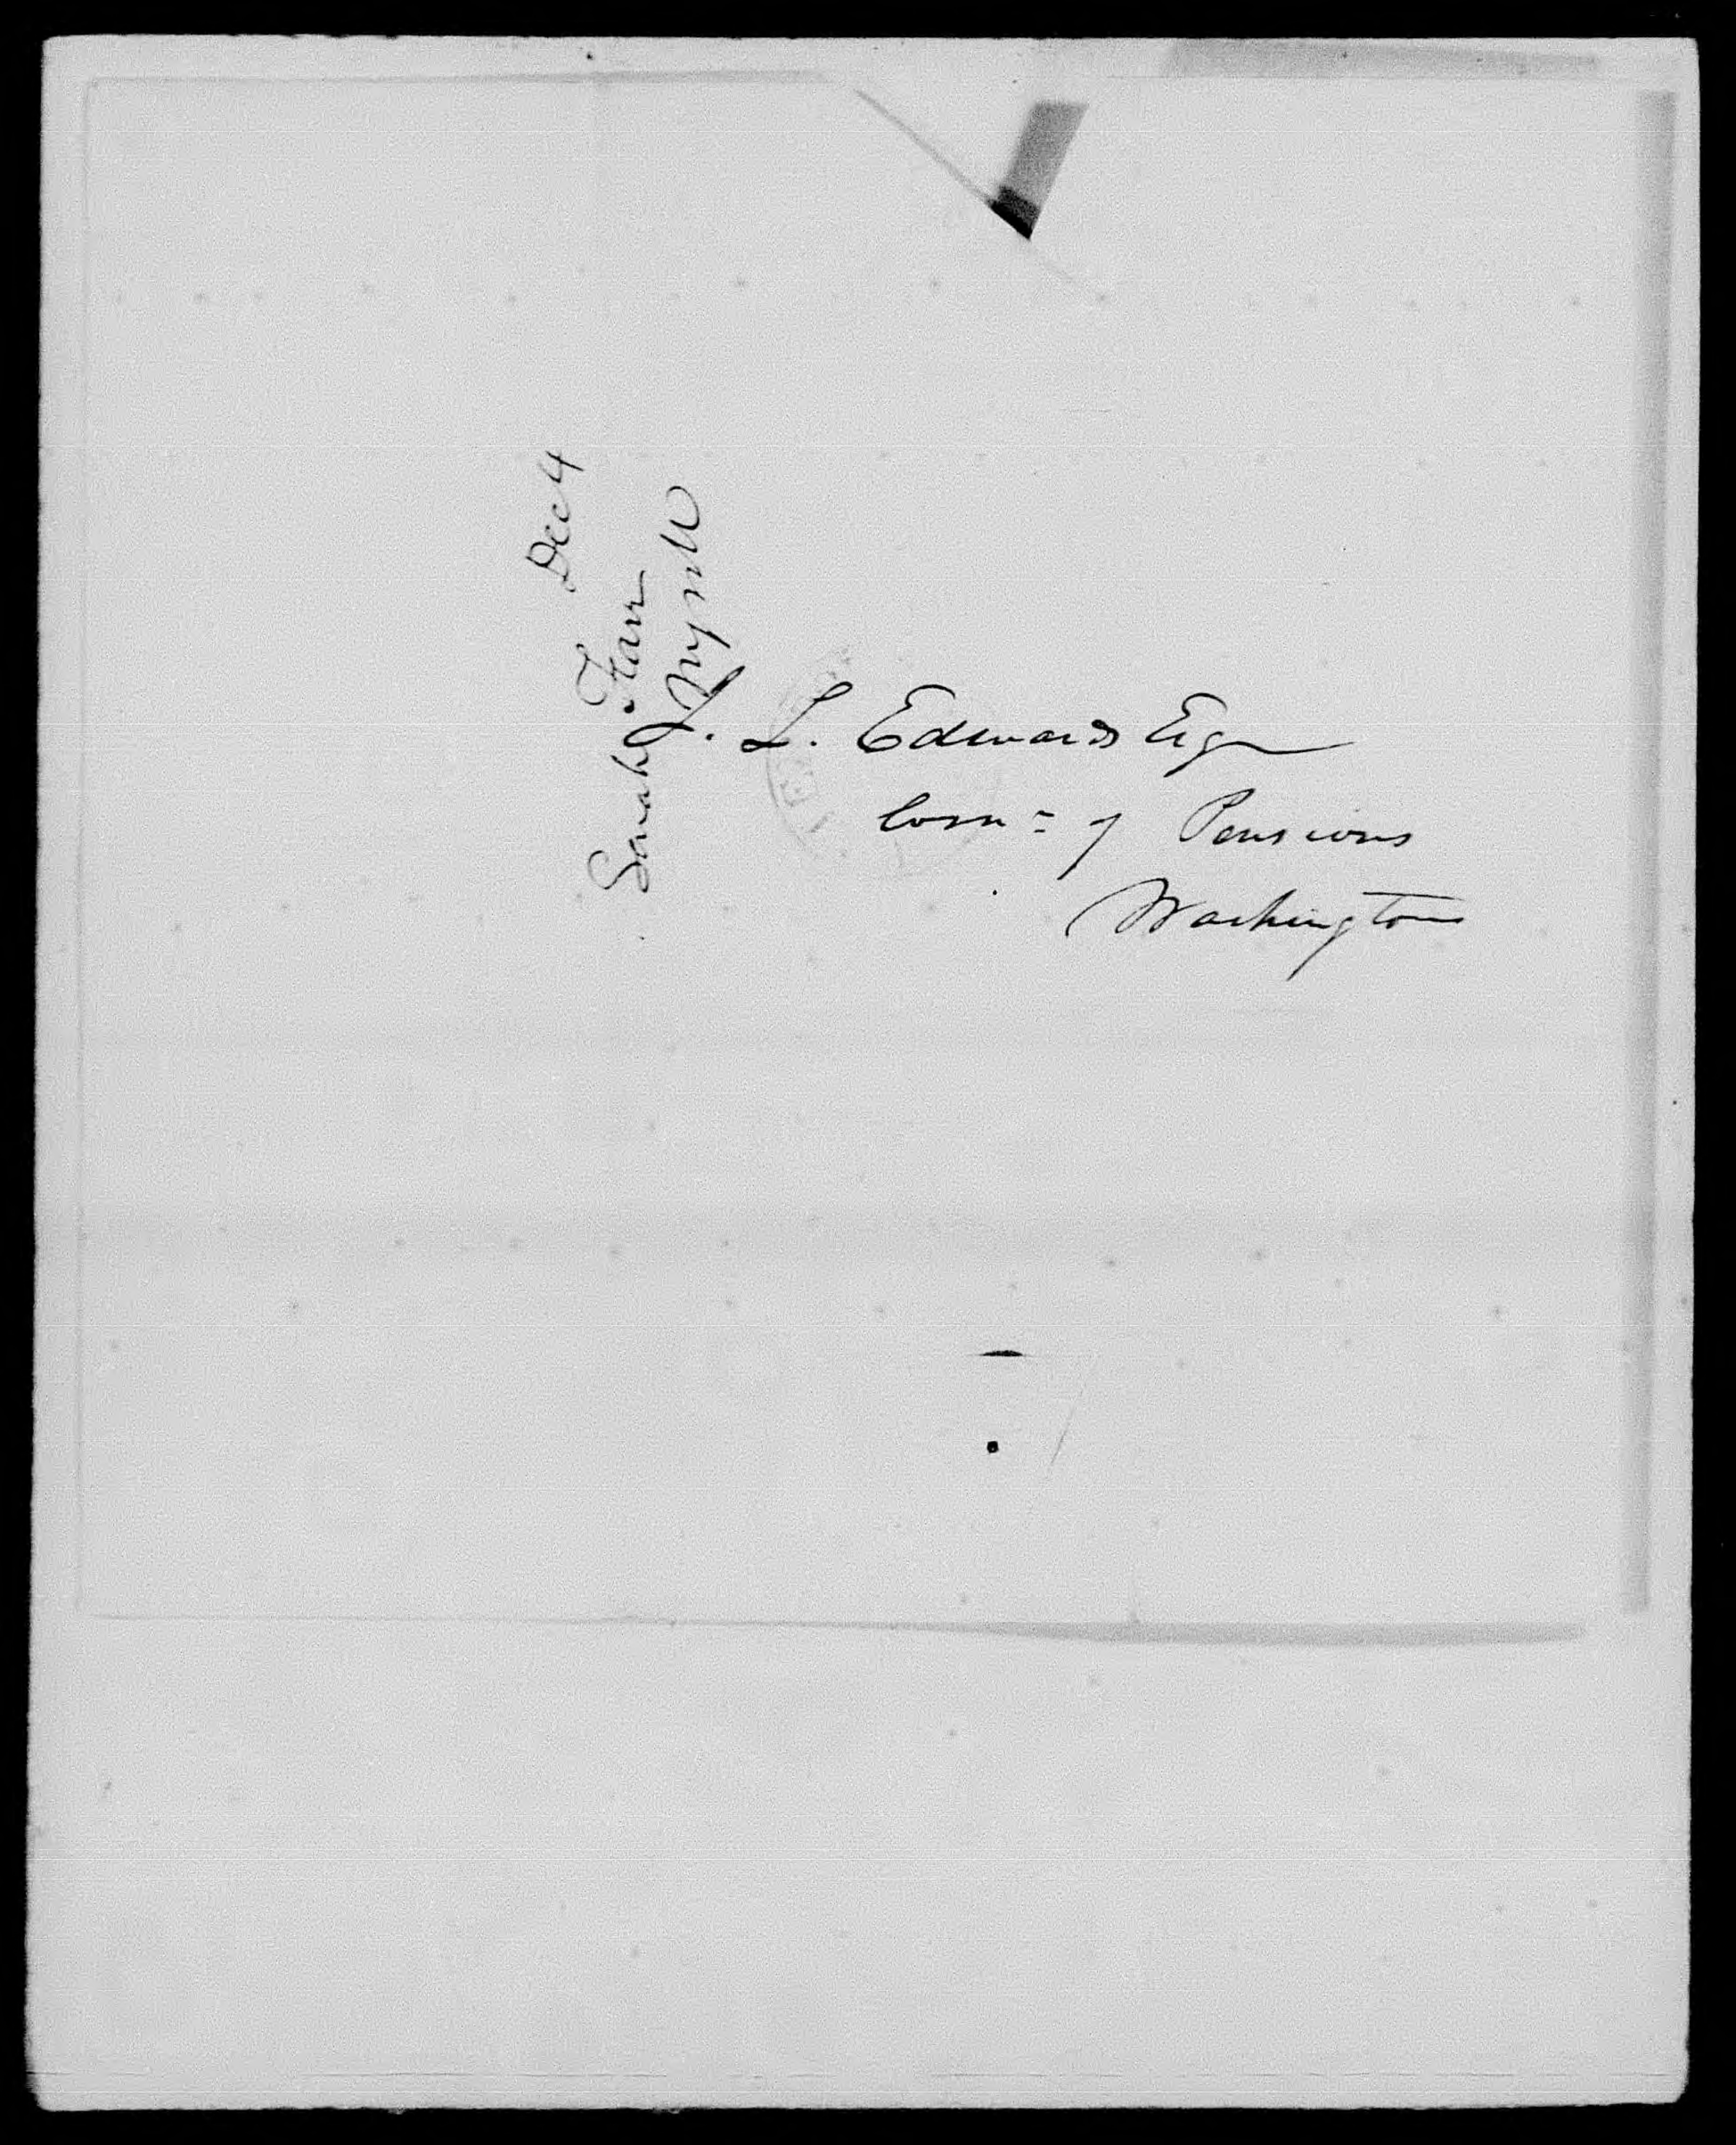[written sideways on left]
Dec 4
Sara Farr
New York

[postage stamp illegible]

L. Edwards Esq
Com of Pensions
Washington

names: J L Edwards, Sarah Farr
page: 33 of 46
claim: widow's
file: W. 23022, Thomas Farr, N.H.